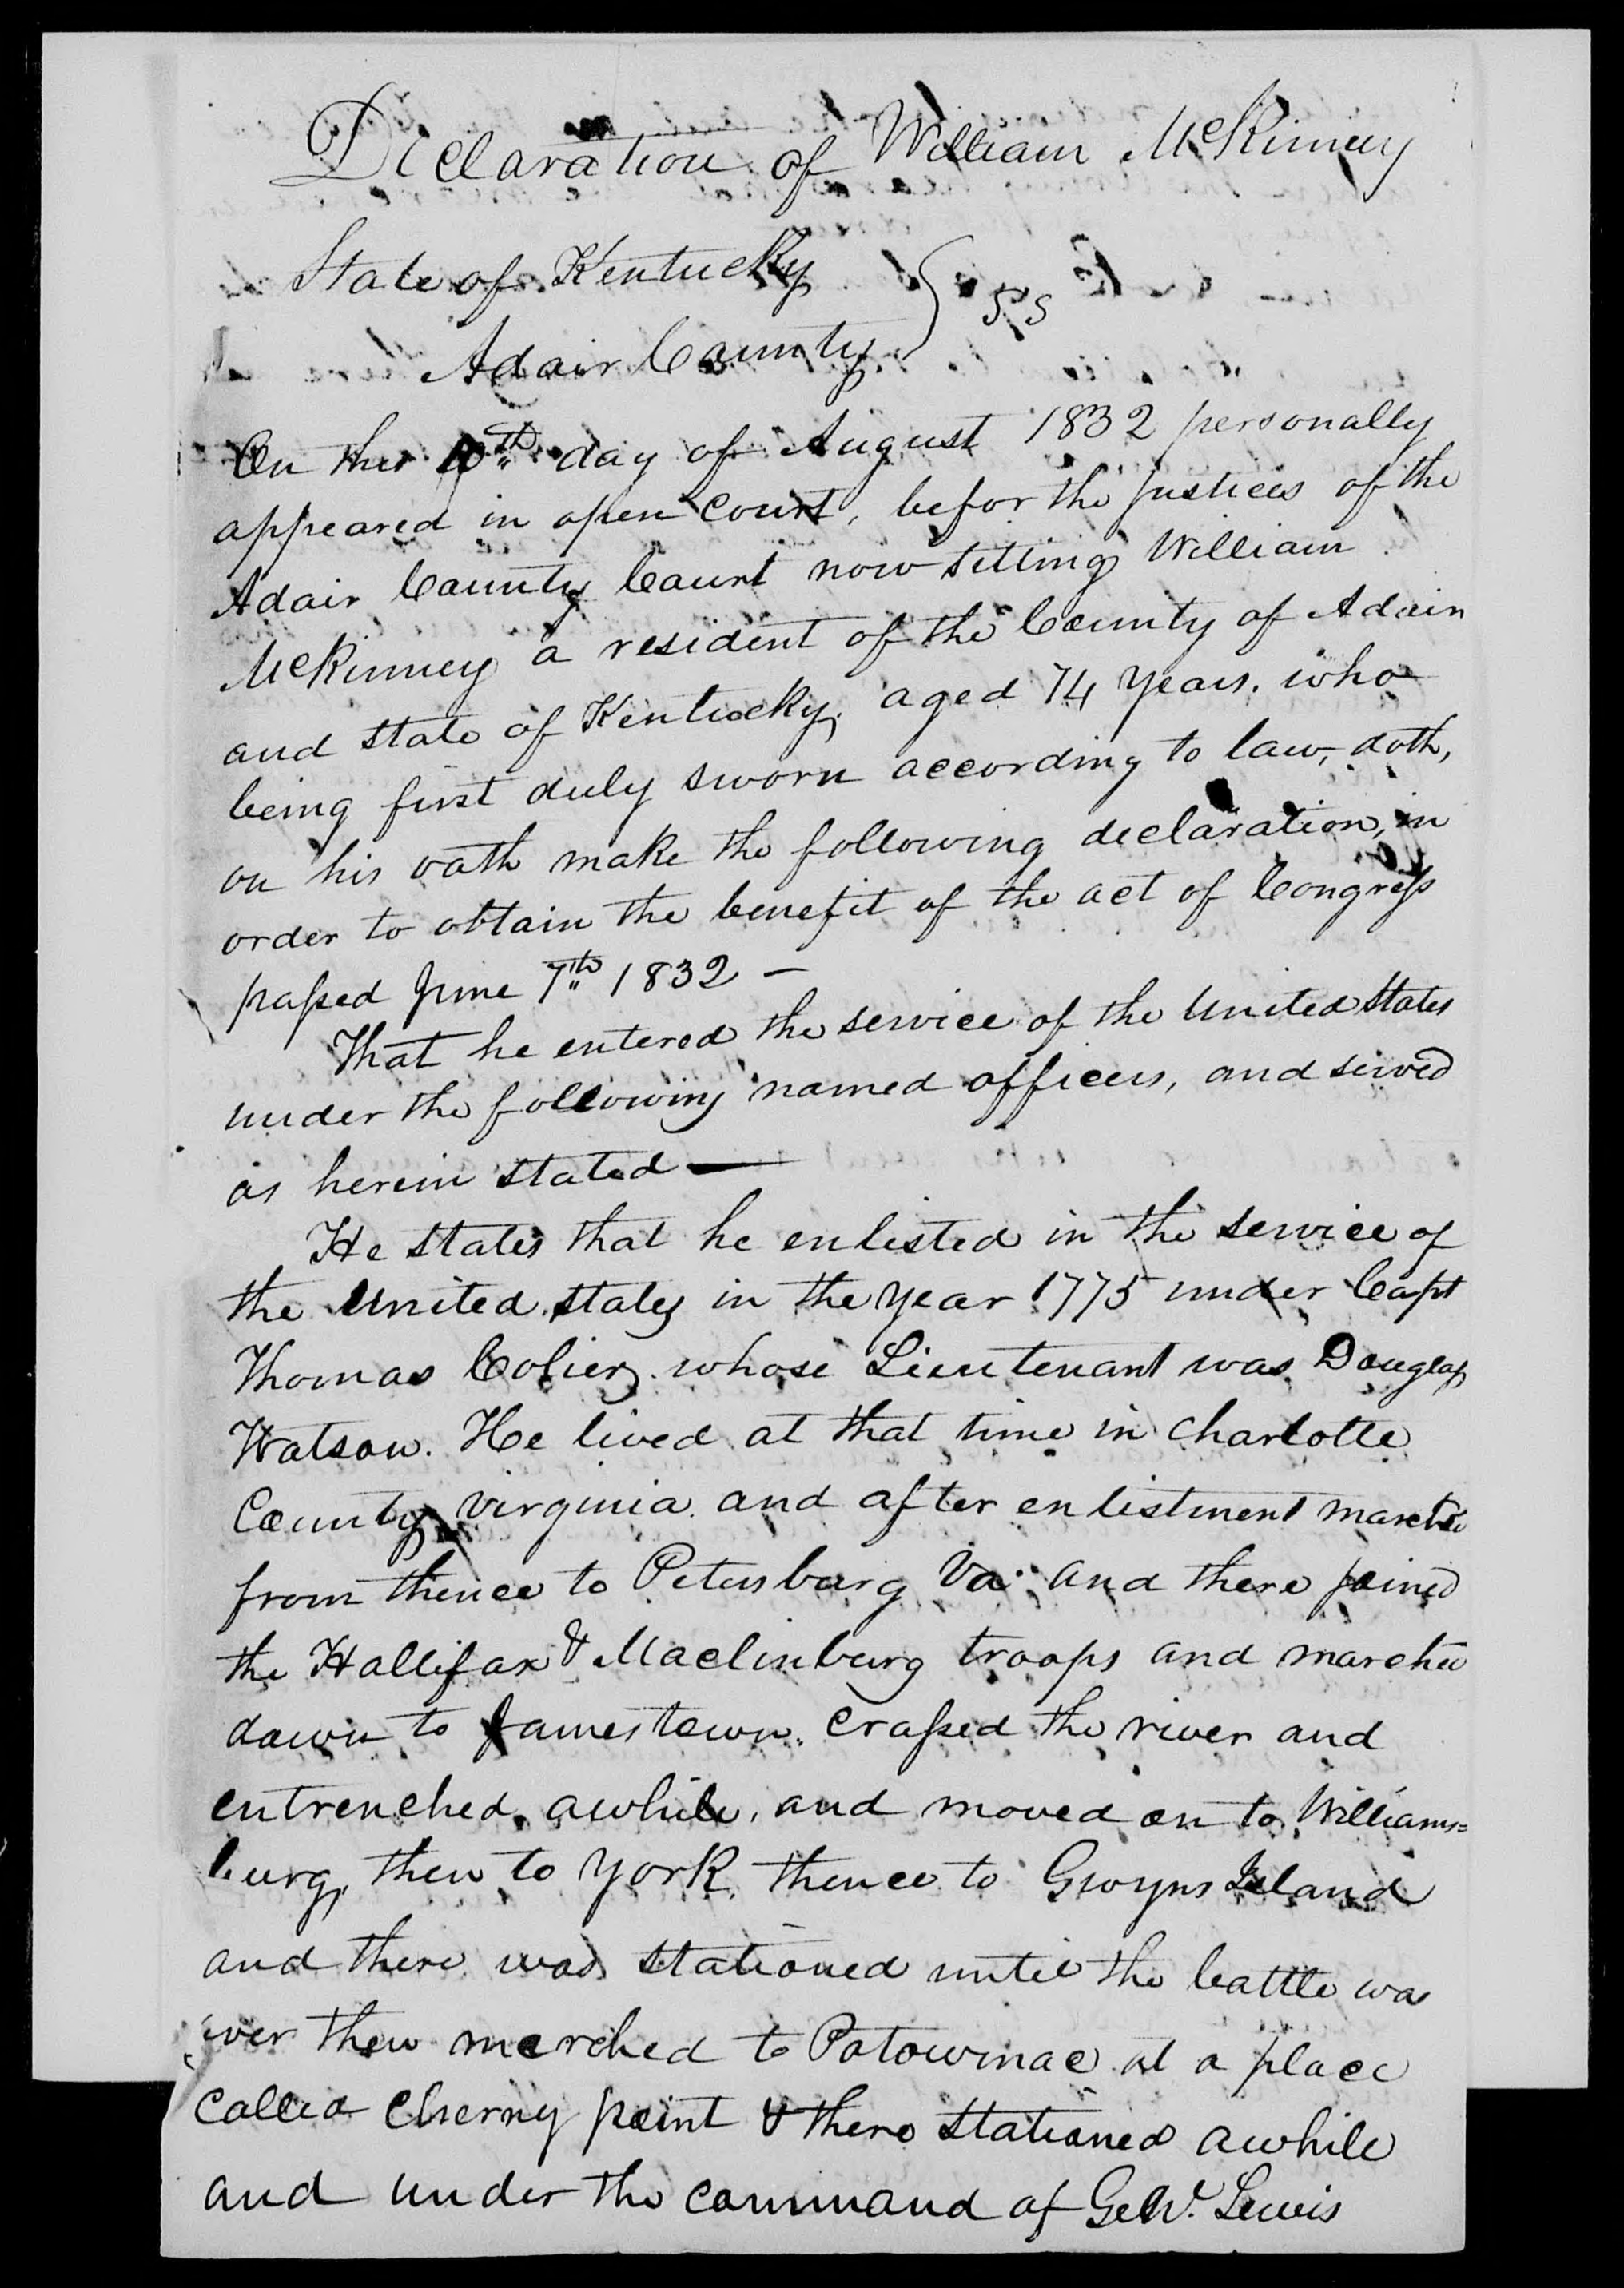Declaration of William McKinney
State of Kentucky
Adair County

On the 10th day of August 1832 personally appeared in open Court, before the parties of the Adair County Court now sitting William McKinney a resident of the County of Adar and State of Kentucky, aged 74 years, who being first duly sworn according to law, doth, on his oath make the following declaration, in order to obtain the benefit of the act of Congress passed June 7th 1832-
That he entered the service of the United States under the following named officers, and served as herein stated--
He states that he enlisted in the service of the United States in the year 1775 under Capt. Thomas Colier [Collier], whose Lieutenant was Douglas Watson. He lived at that time in Charlotte County, Virginia. and after enlistment moved from thence to Petersburg Va., and there joined the Halifax & Mecklenburg troops and marched down to Jamestown. Crossed the river and entrenched awhile, and moved on to Williamsburg, then to York thence to Gwynn's Island and there was stationed until the battle was over then marched to Patowinac at a place called Cherry point there stationed awhile and under the command of Genl Lewis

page: 4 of 28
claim: survivor's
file: S. 16,470, for William Mc Kinney, Georgia